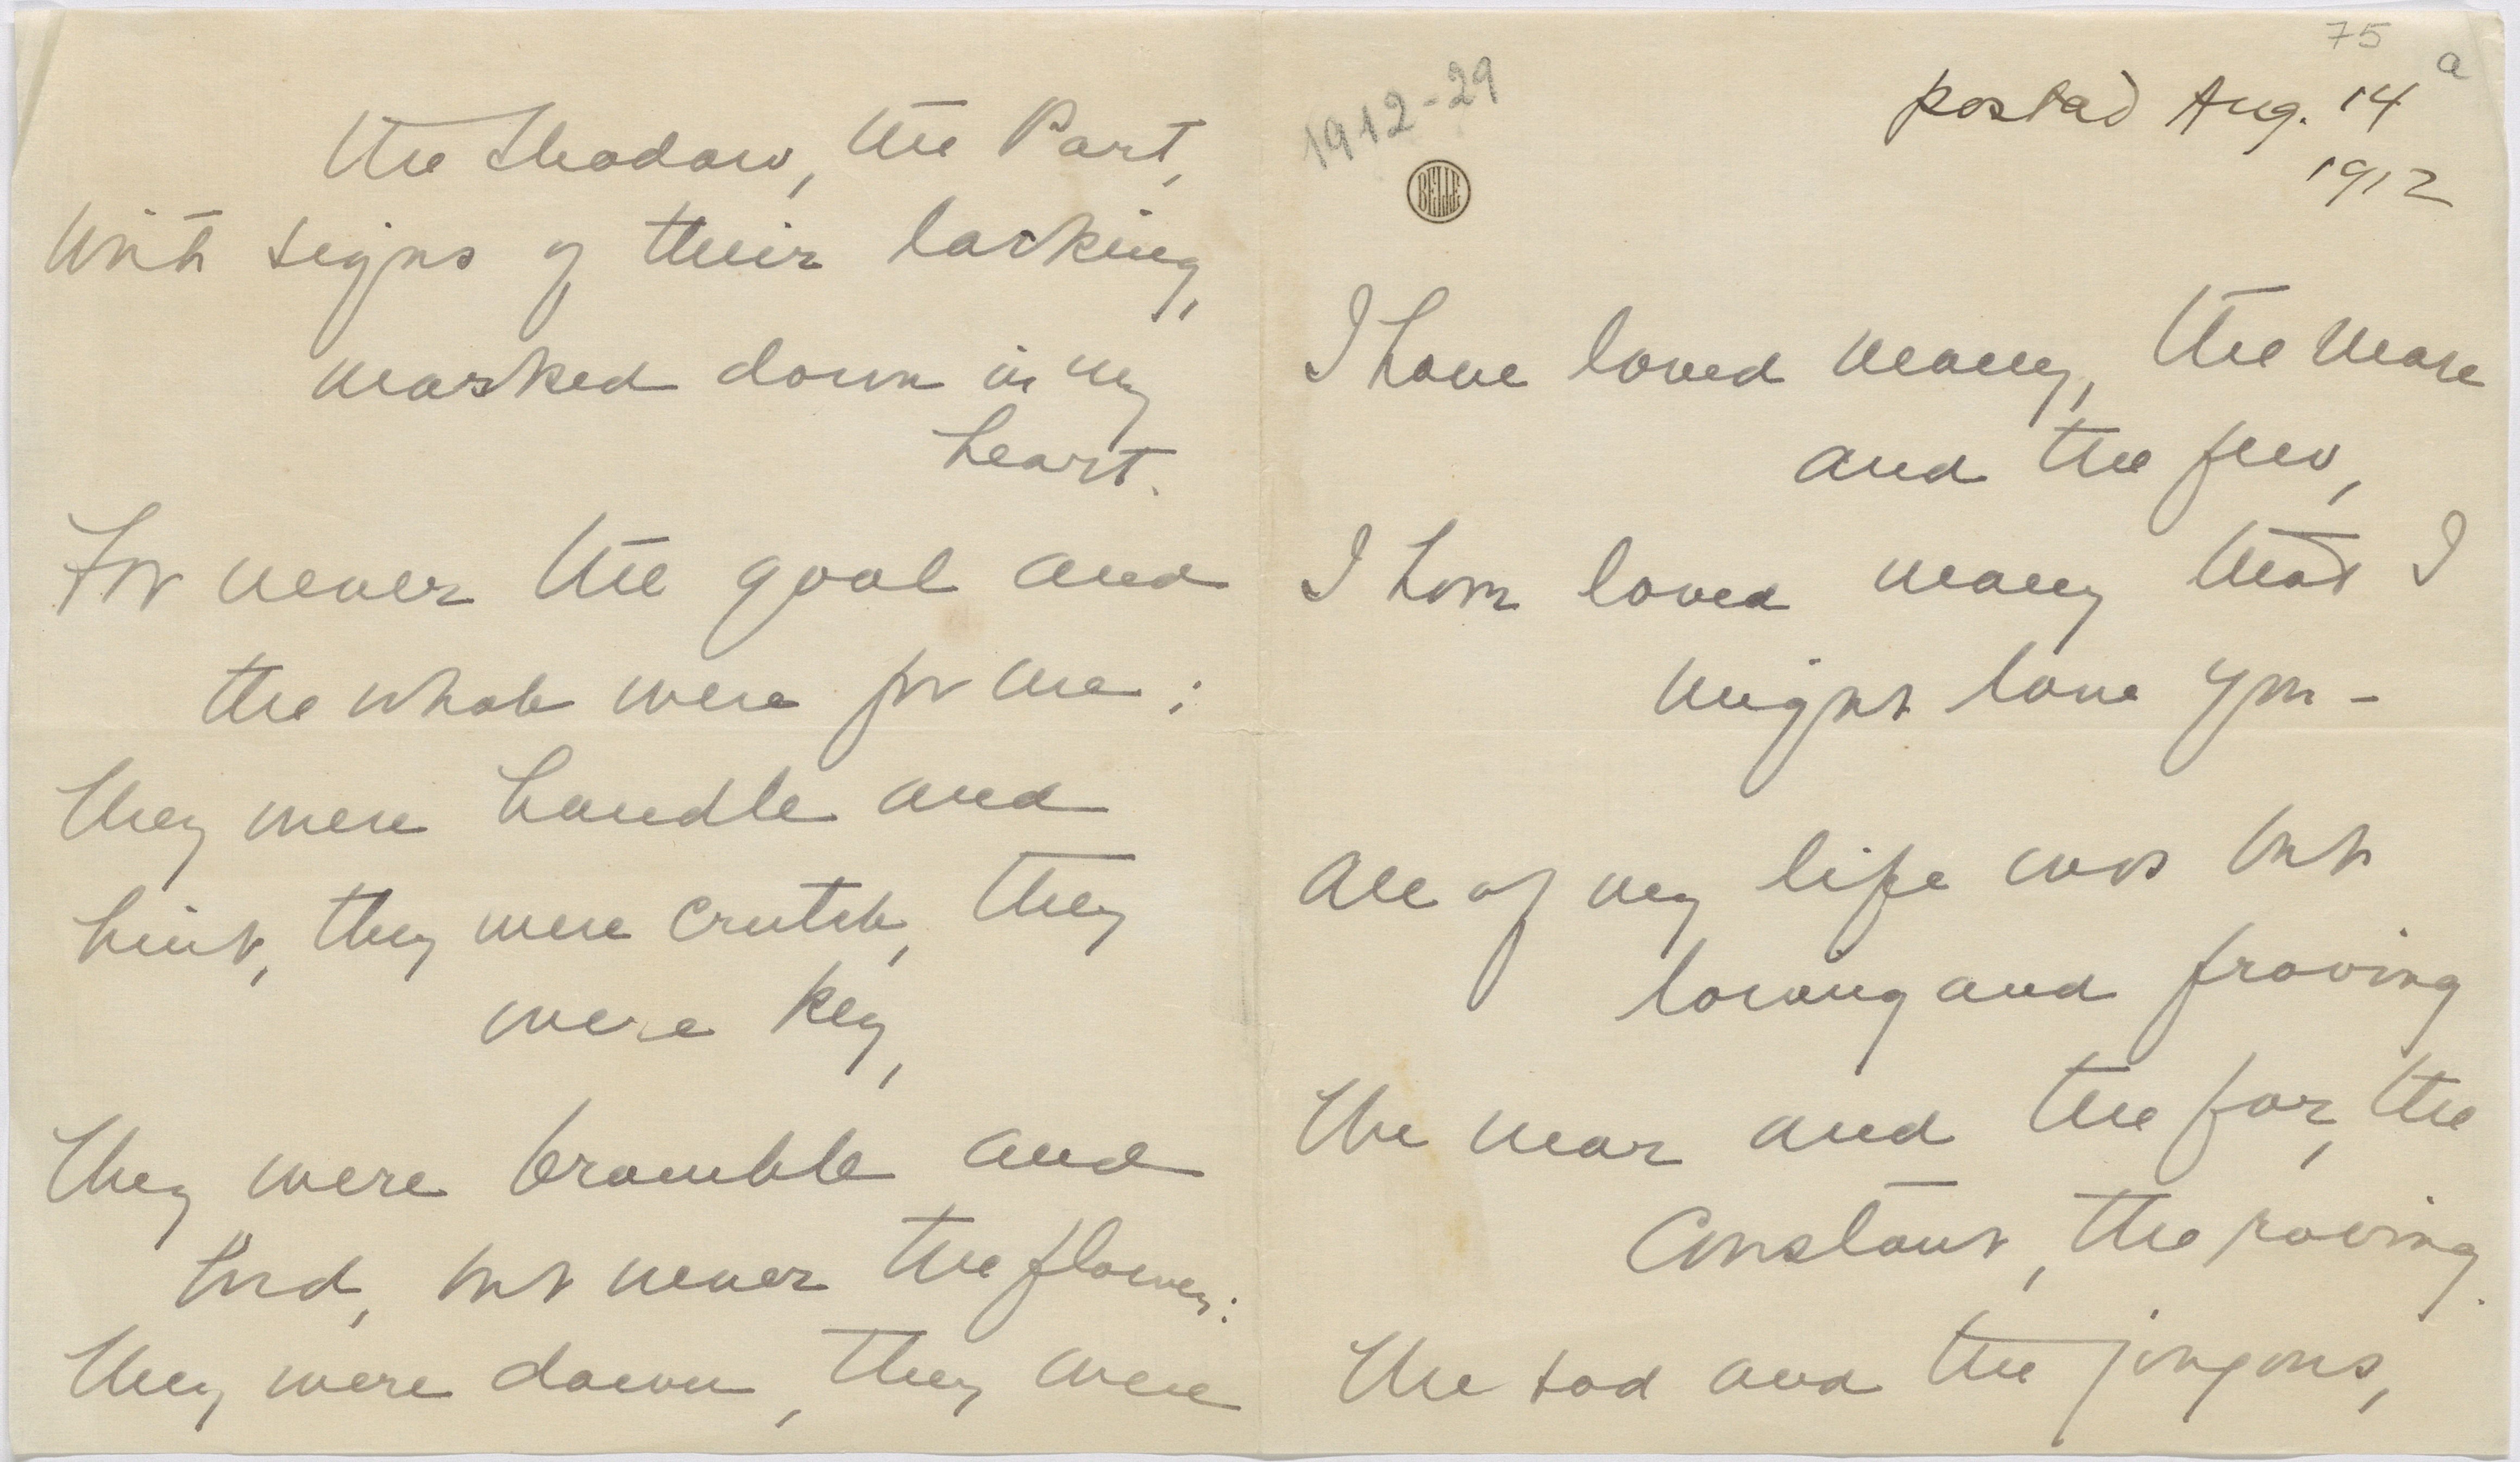Wednesday, August 14, 1912
I have loved many, the more and the few,
I have loved many that I might love you –
All of my life was but loving and proving
The near and the far, the constant, the roving
The bad and the joyous,
the shadow, the part,
With signs of their lacking, marked down in my heart.
For never the goal and the whole were for me:
they were handle and hint,
they were crutch, they were key,
They were bramble and bud, but never the flower:
They were dawn, they were